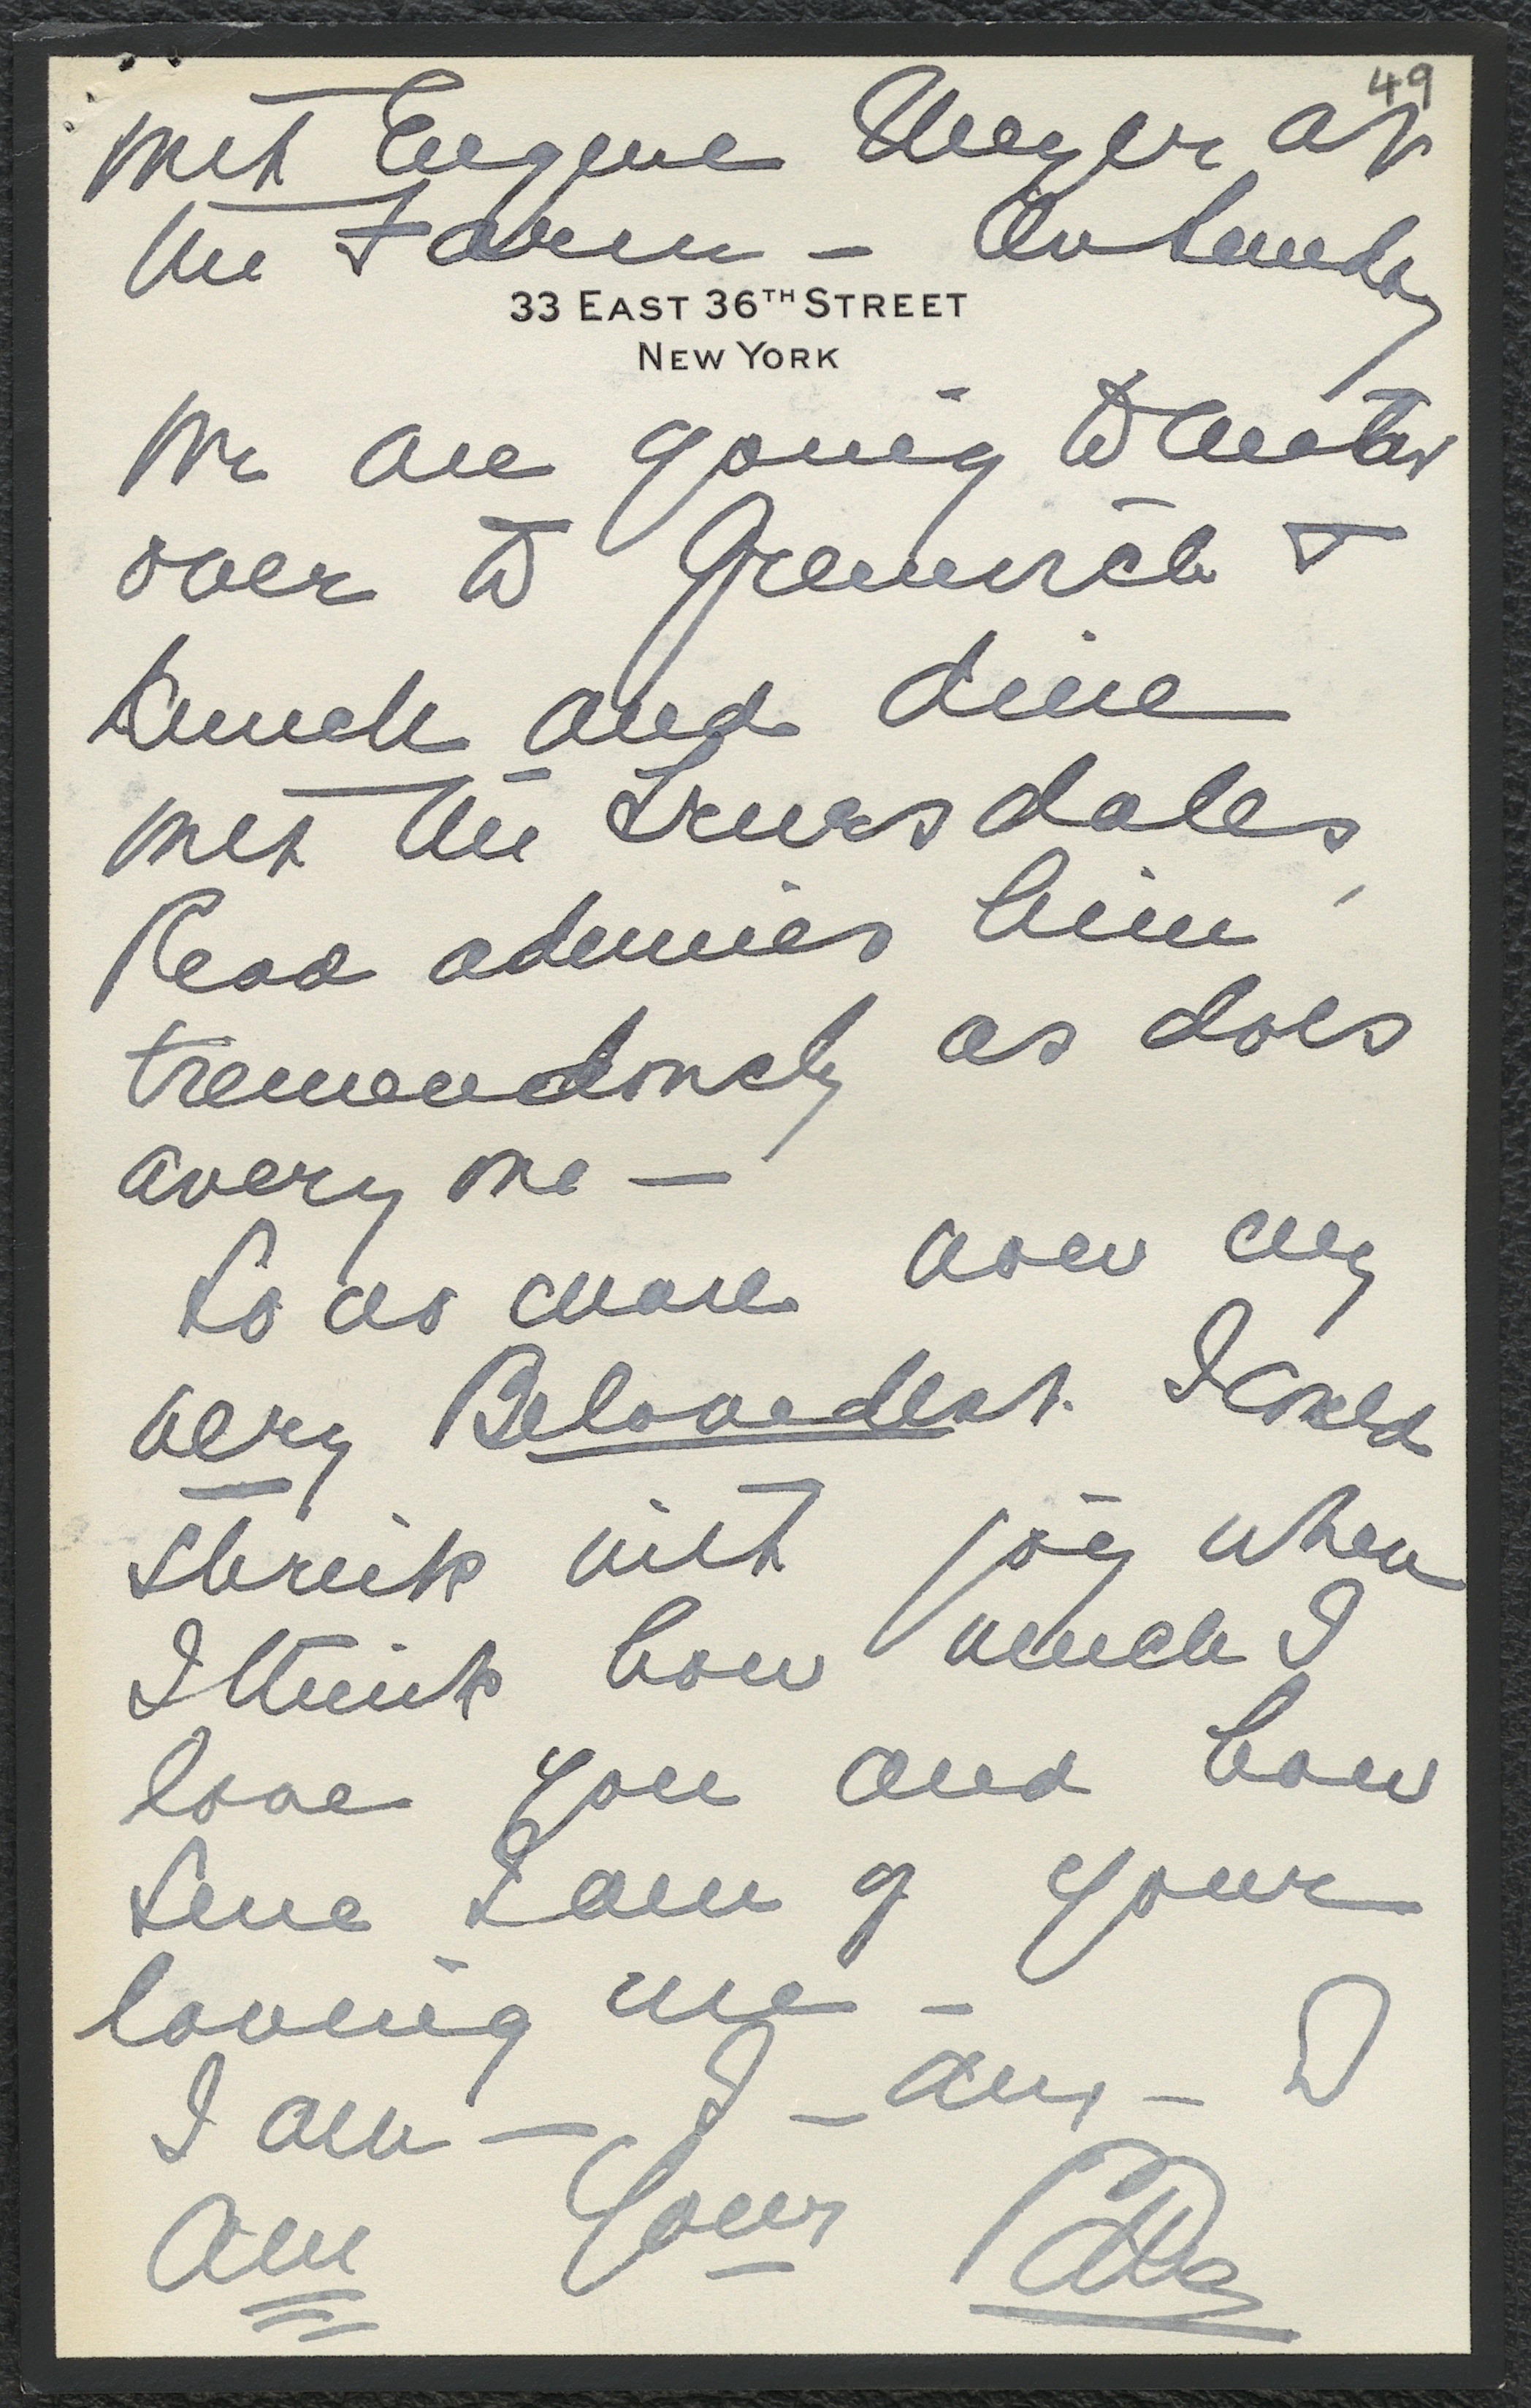with Eugene Meyer at the Farm – On Sunday we are going to motor over to Greenwich & lunch and dine with the Truesdales, Read admires him tremendously as does everyone –
So no more now my very Belovedest I could shriek with joy when I think how much I love you and how sure I am of your loving me –
I am – I – am – I [triple underlined: am] Your Belle